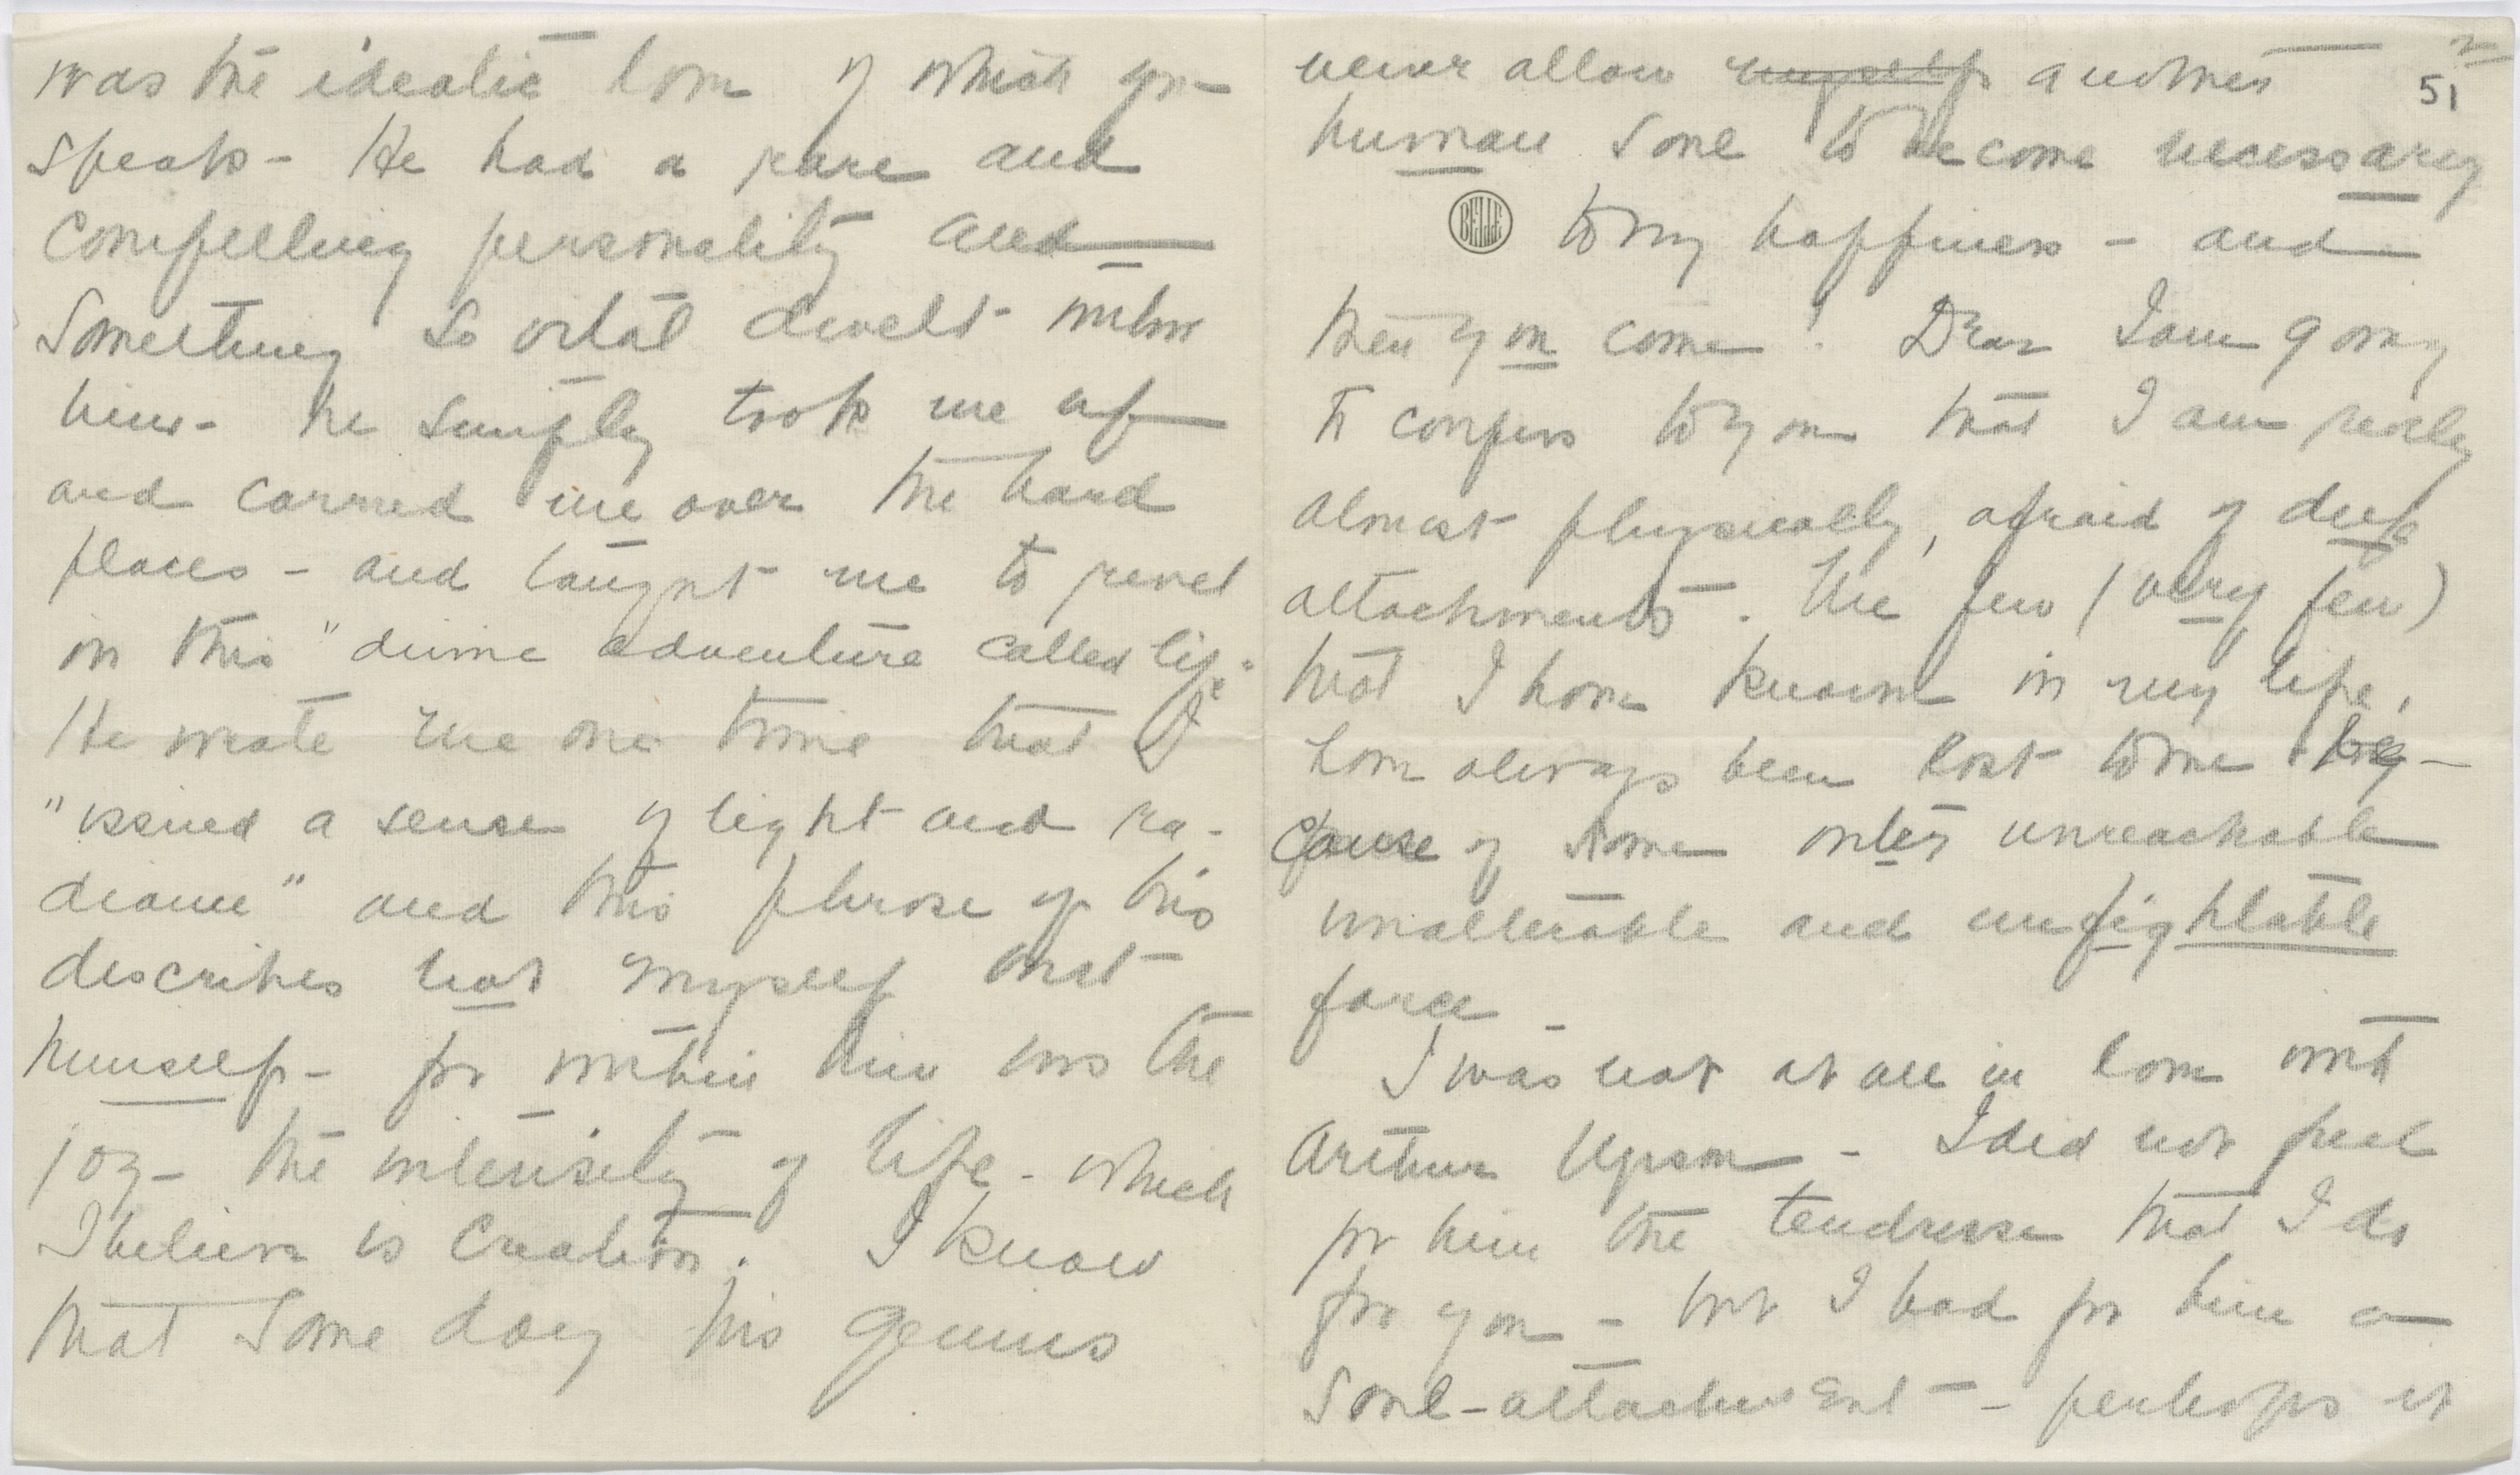2
never allow myself another human soul to become necessary to my happiness – and then you came! Dear I am going to confess to you that I am really almost physically, afraid of deep attachments. The few (very few) that I have known in my life, have always been lost to me because of some outer unreachable unalterable and unfightable force –
I was not at all in love with Arthur Upson – I did not feel for him the tendresse that I do for you – but I had for him a soul-attachment – perhaps it
was the ideatic love of which you speak – He had a rare and compelling personality and something so vital dwelt within him – he simply took me up and carried me over the hard places – and taught me to revel in this “divine adventure called life”
He wrote me one time that I “issued a sense of light and radiance” and this phrase of his describes not myself but himself – for within him was the joy – the intensity of life – which I believe is creation. I know that some day his genius